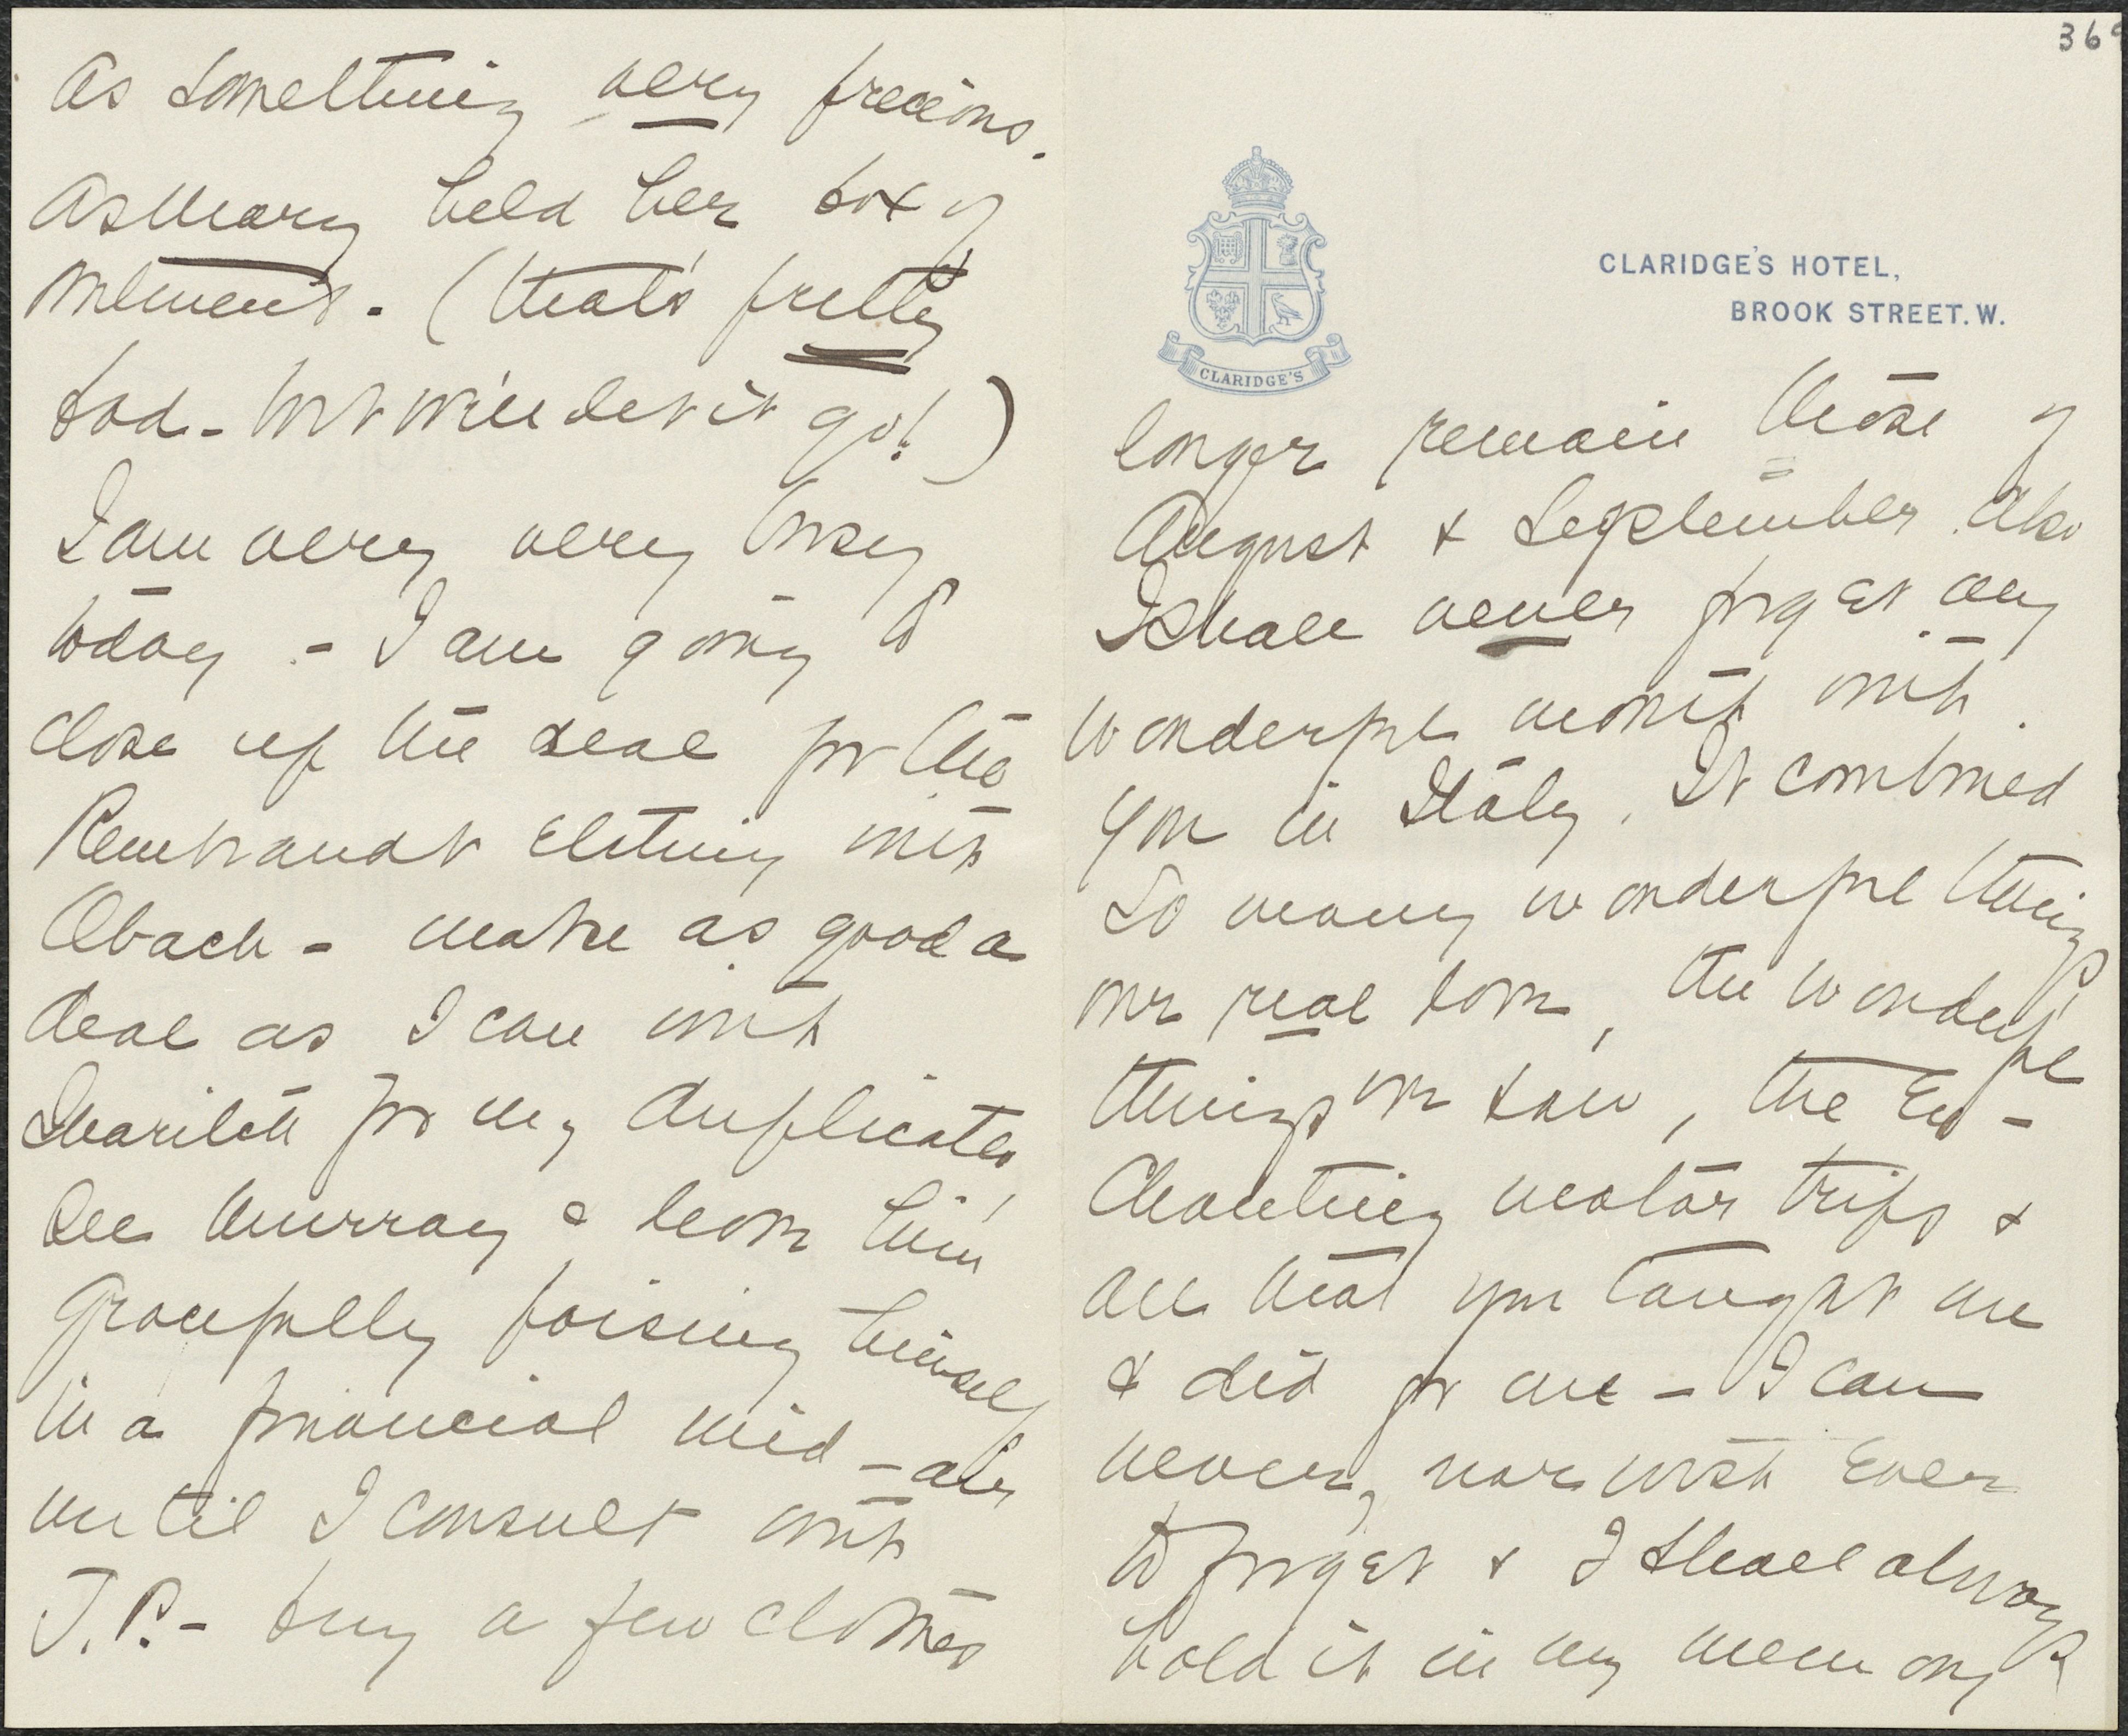longer remain those of August & September. Also I shall never forget my wonderful month with you in Italy. It combined so many wonderful things, our real love, the wonderful things we saw, the enchanting motor trips & all that you taught me & did for me – I can never, nor wish ever to forget & I shall always hold it in my memory
as something very precious. As Mary held her box of ointment – (that’s [double underlined: pretty] bad – but we’ll let it go!) I am very very busy today – I am going to close up the deal for the Rembrandt etching with Obach – make as good a deal as I can with Quaritch for my duplicate, see Murray & leave him gracefully poising himself in a financial mid-air until I consult with J. P. – buy a few clothes